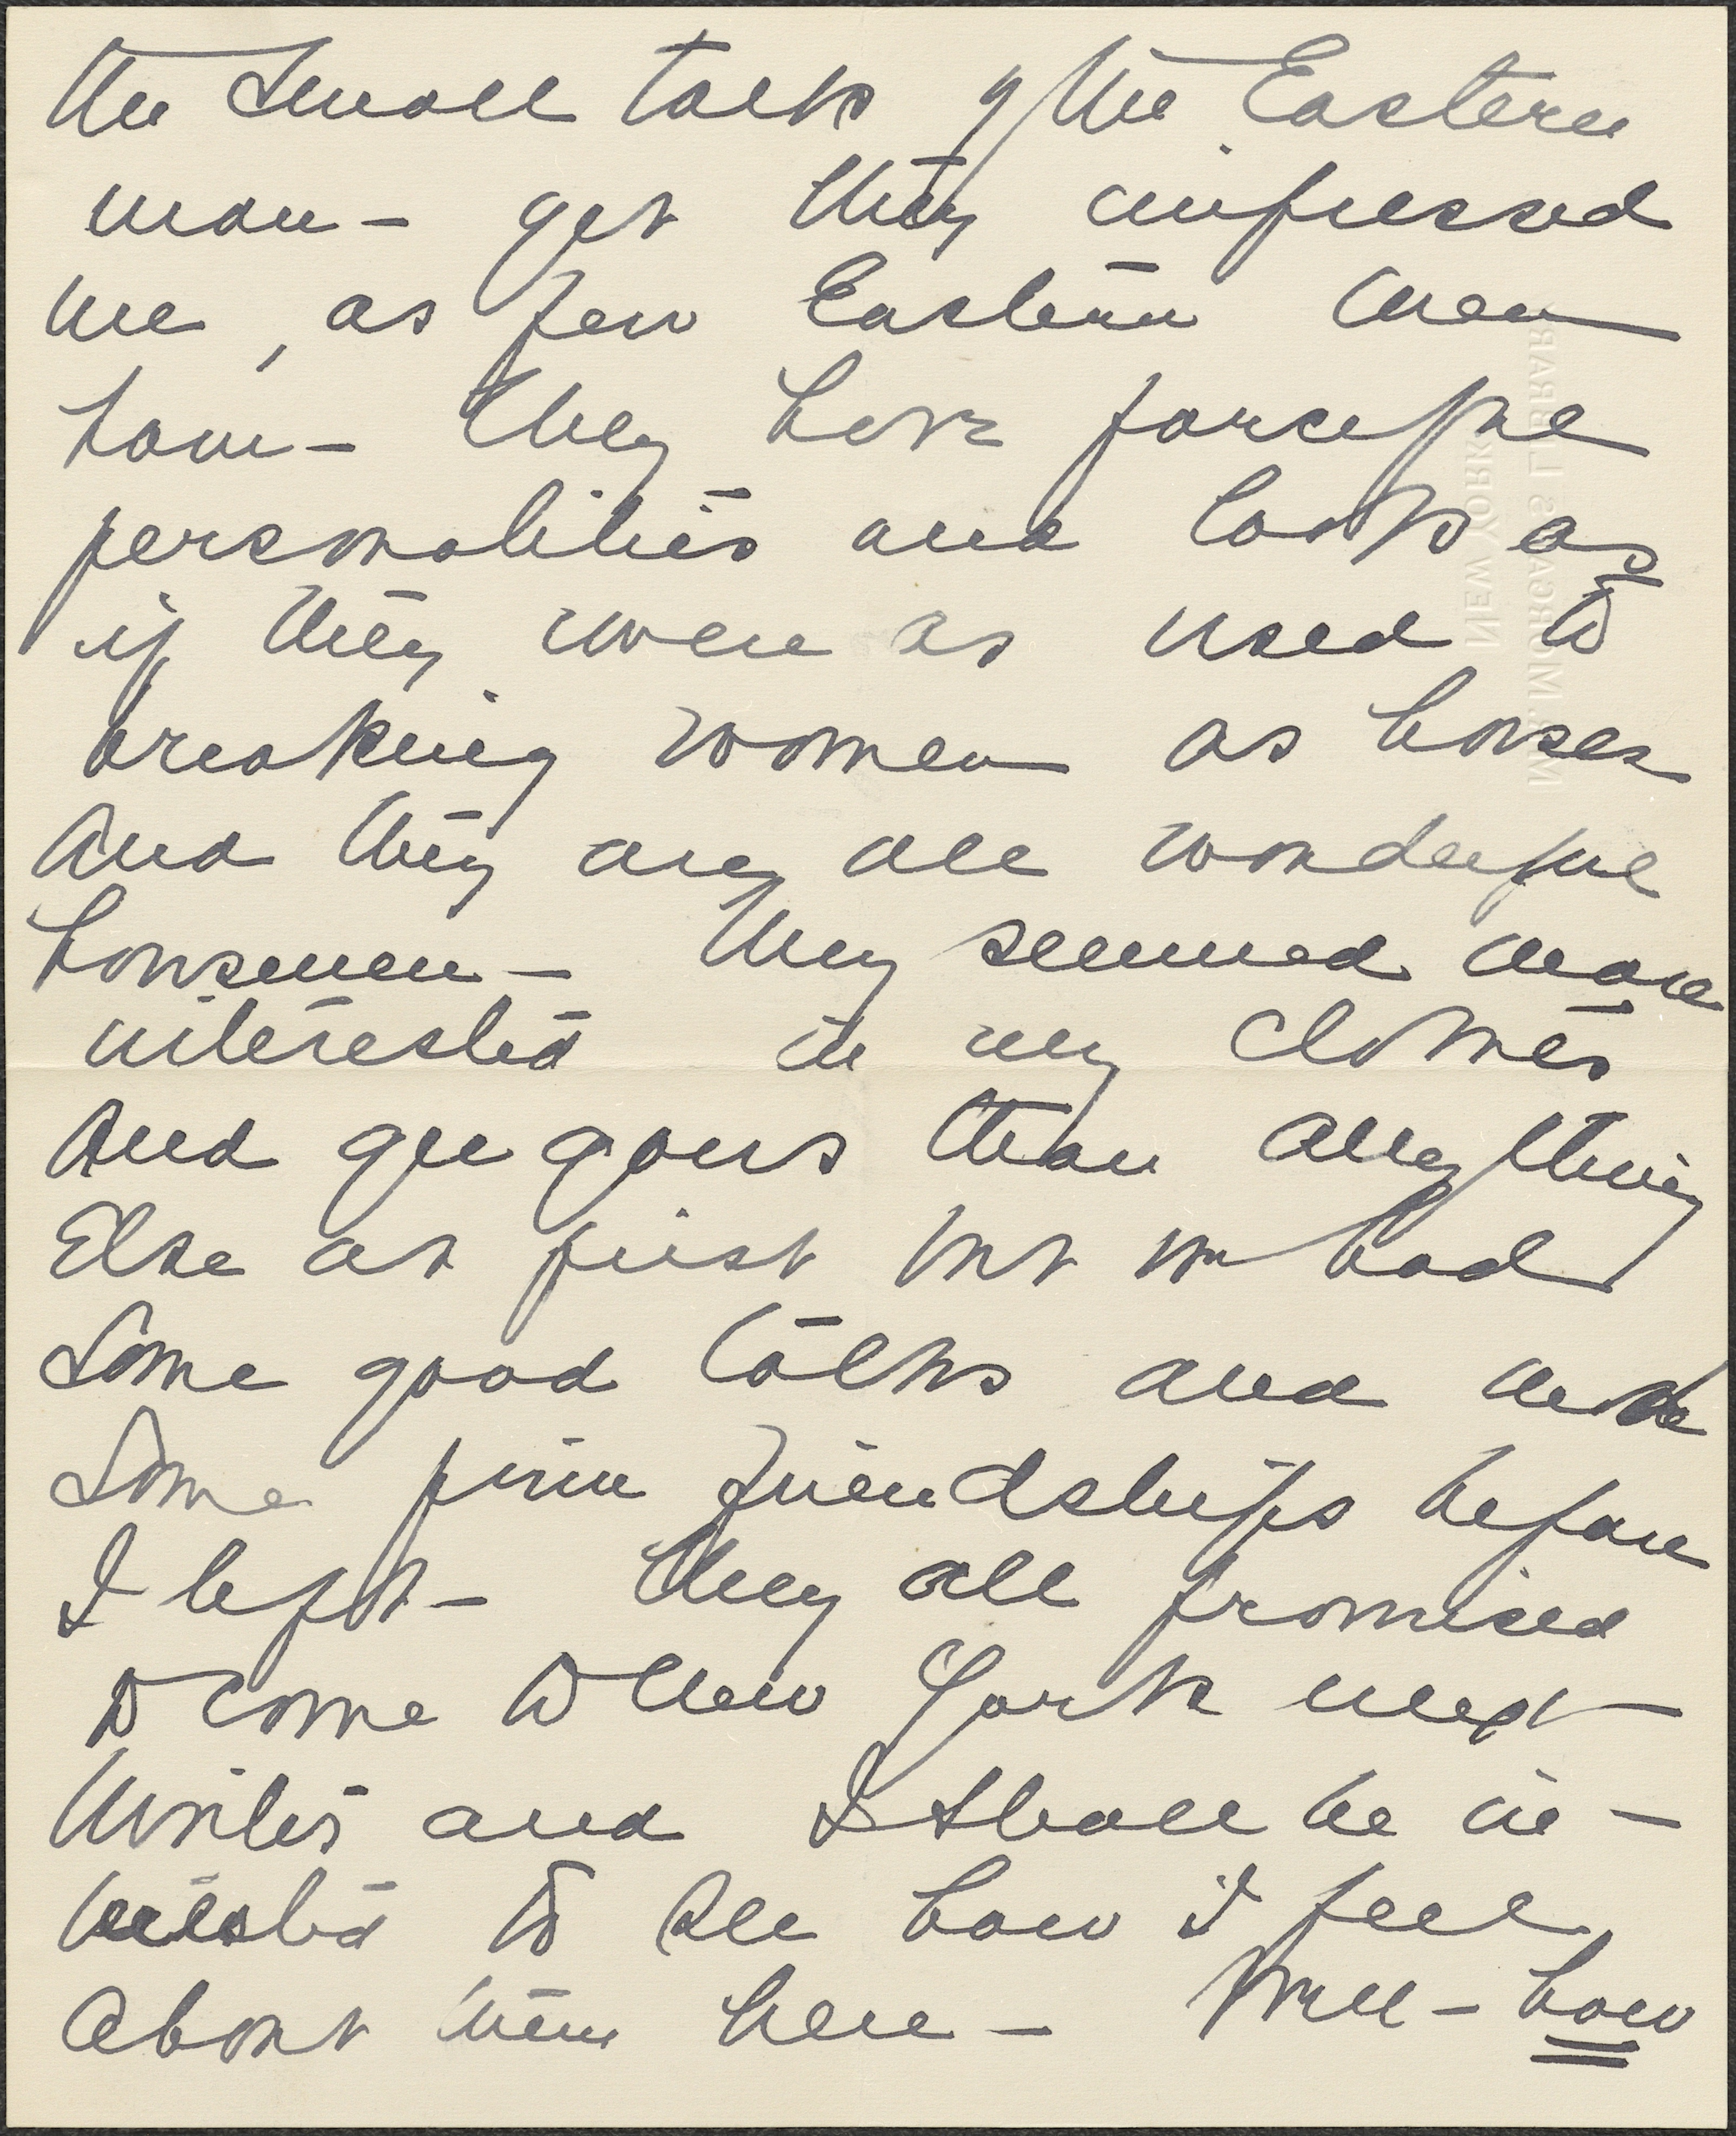the small talk of the Eastern man – yet they impressed me, as few Eastern men have – They have forceful personalities and look as if they were as used to breaking women as horses and they are all wonderful horsemen – They seemed more interested in my clothes and geegaws [sic] than anything else at first but we had some good talks and made some fine friendships before I left – They all promised to come to New York next Winter and I shall be interested to see how I feel about them here – Well – [doubled underlined: how]